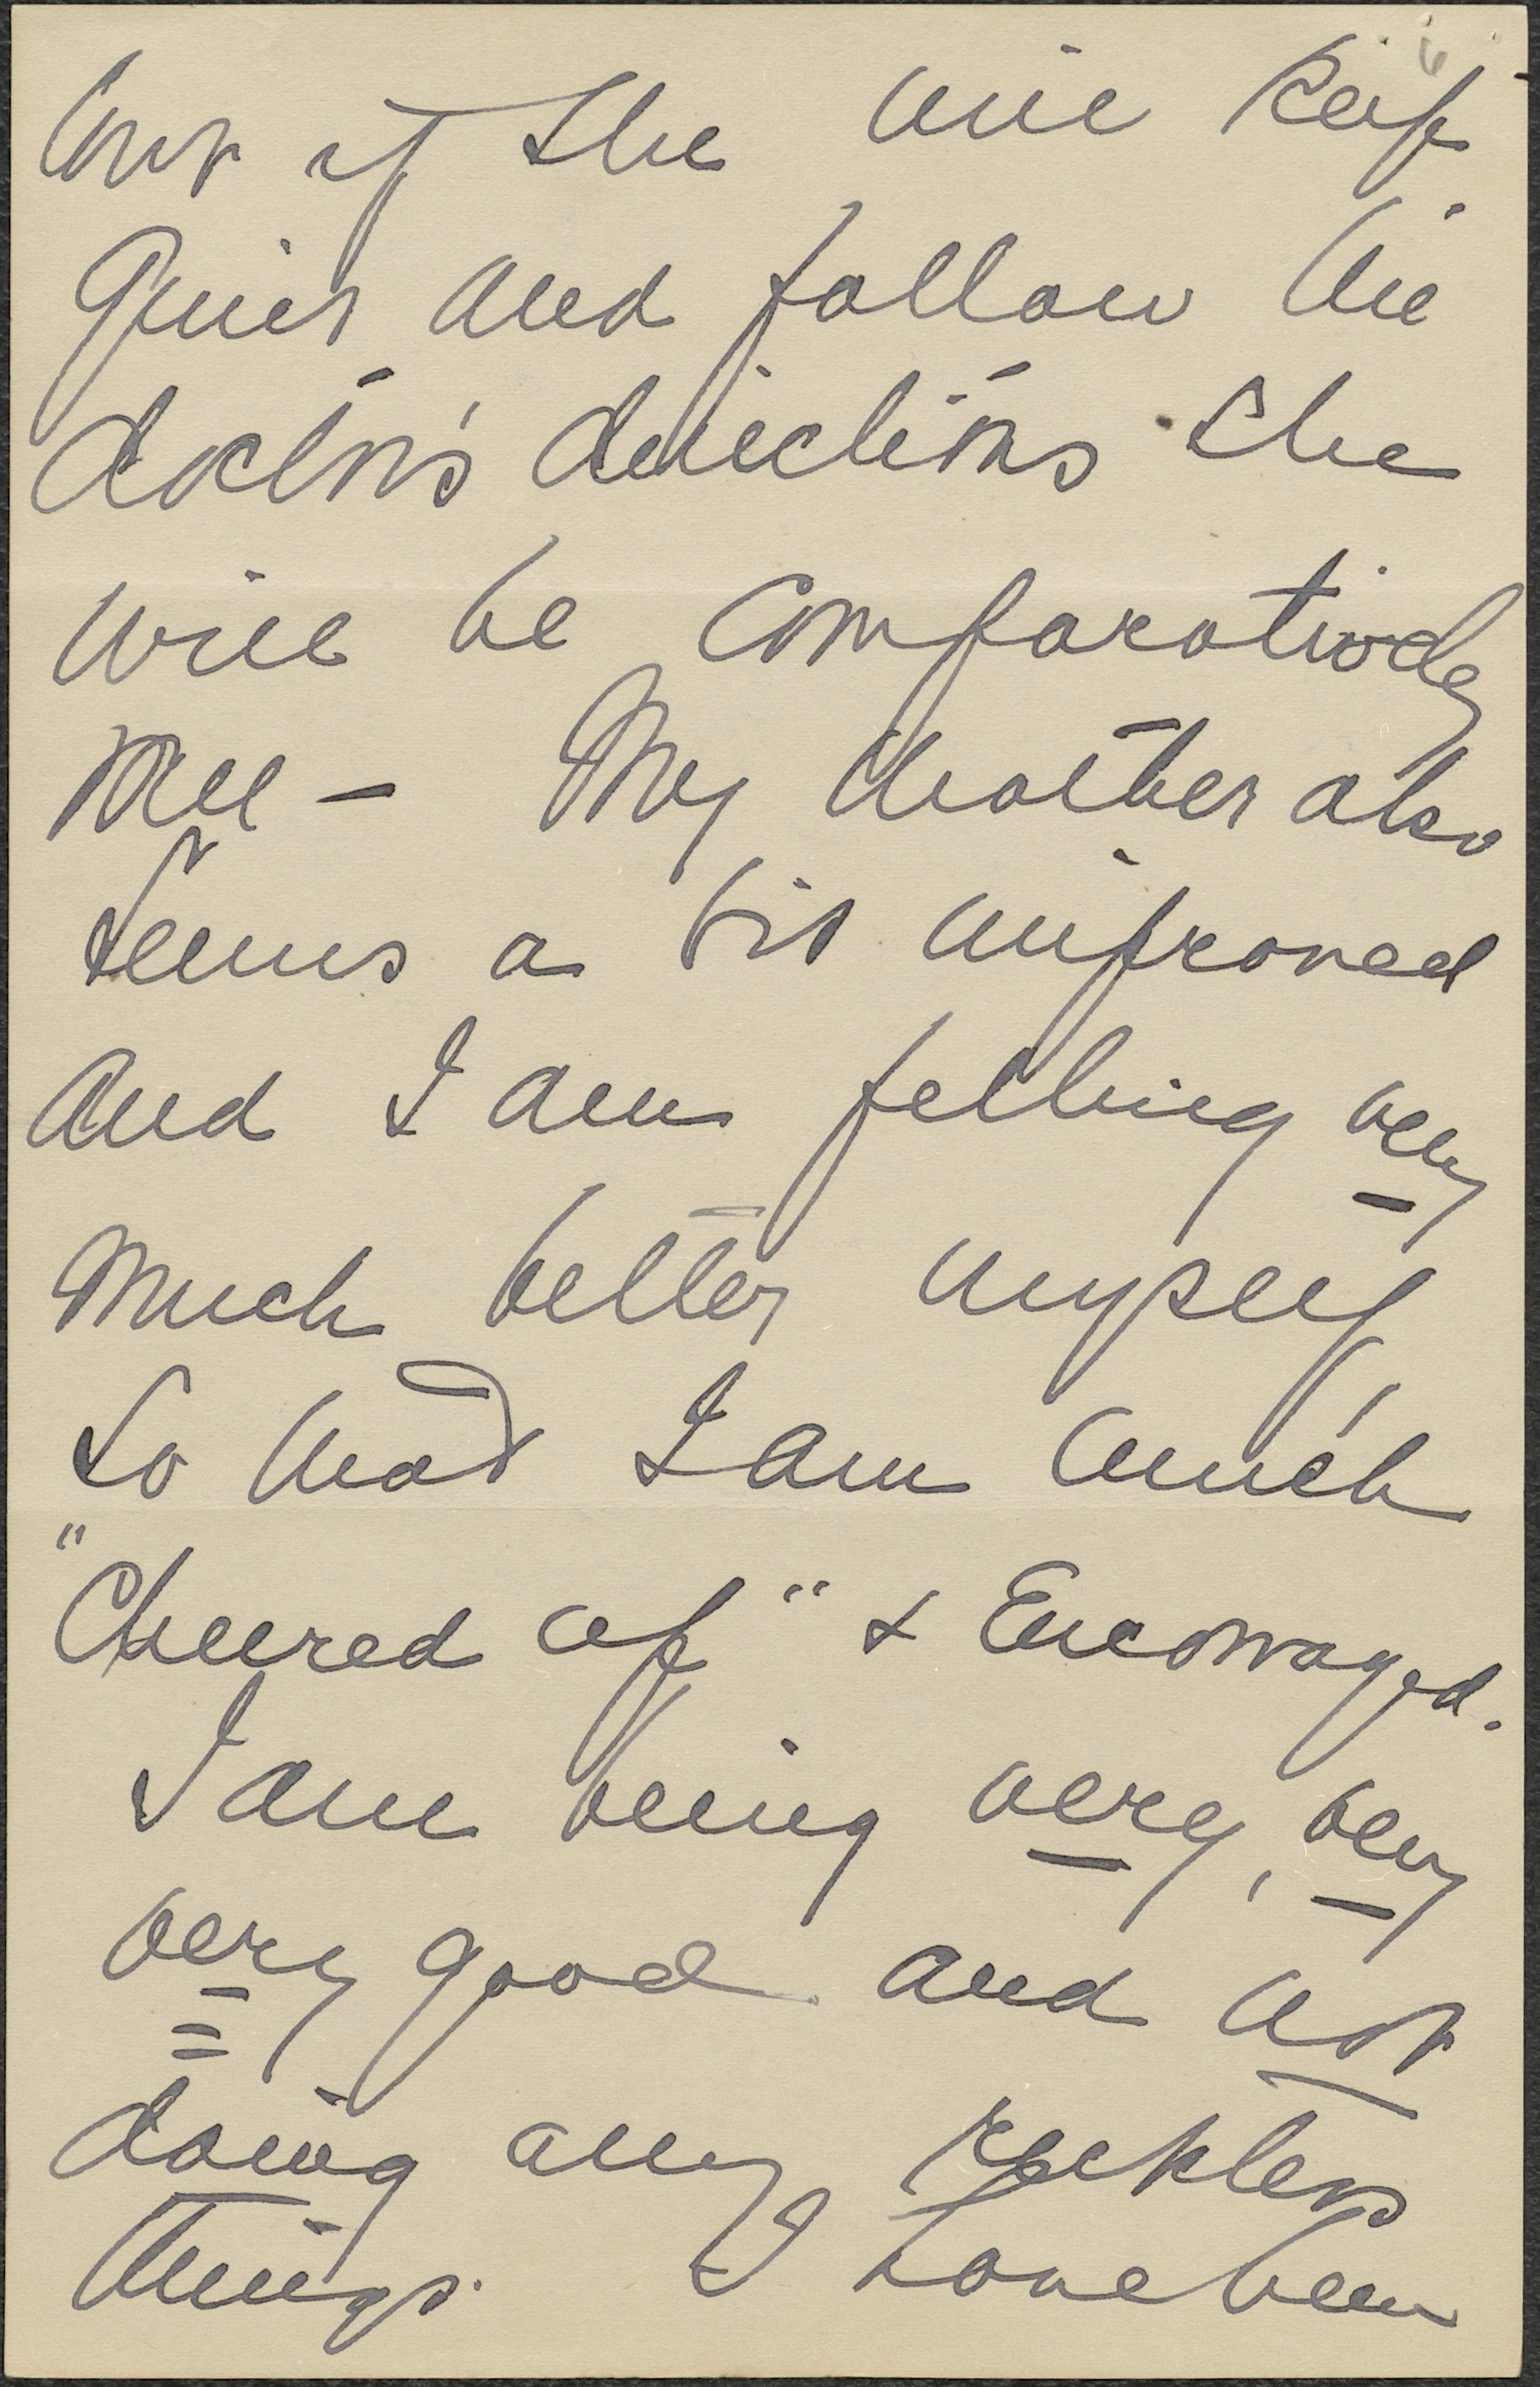but if she will keep quiet and follow the doctor’s directions she will be comparatively well – My mother also seems a bit improved and I am feeling very much better myself, so that I am much “cheered up” & encouraged.
I am being very, very [triple underlined: very] good and not doing any reckless things. I have been